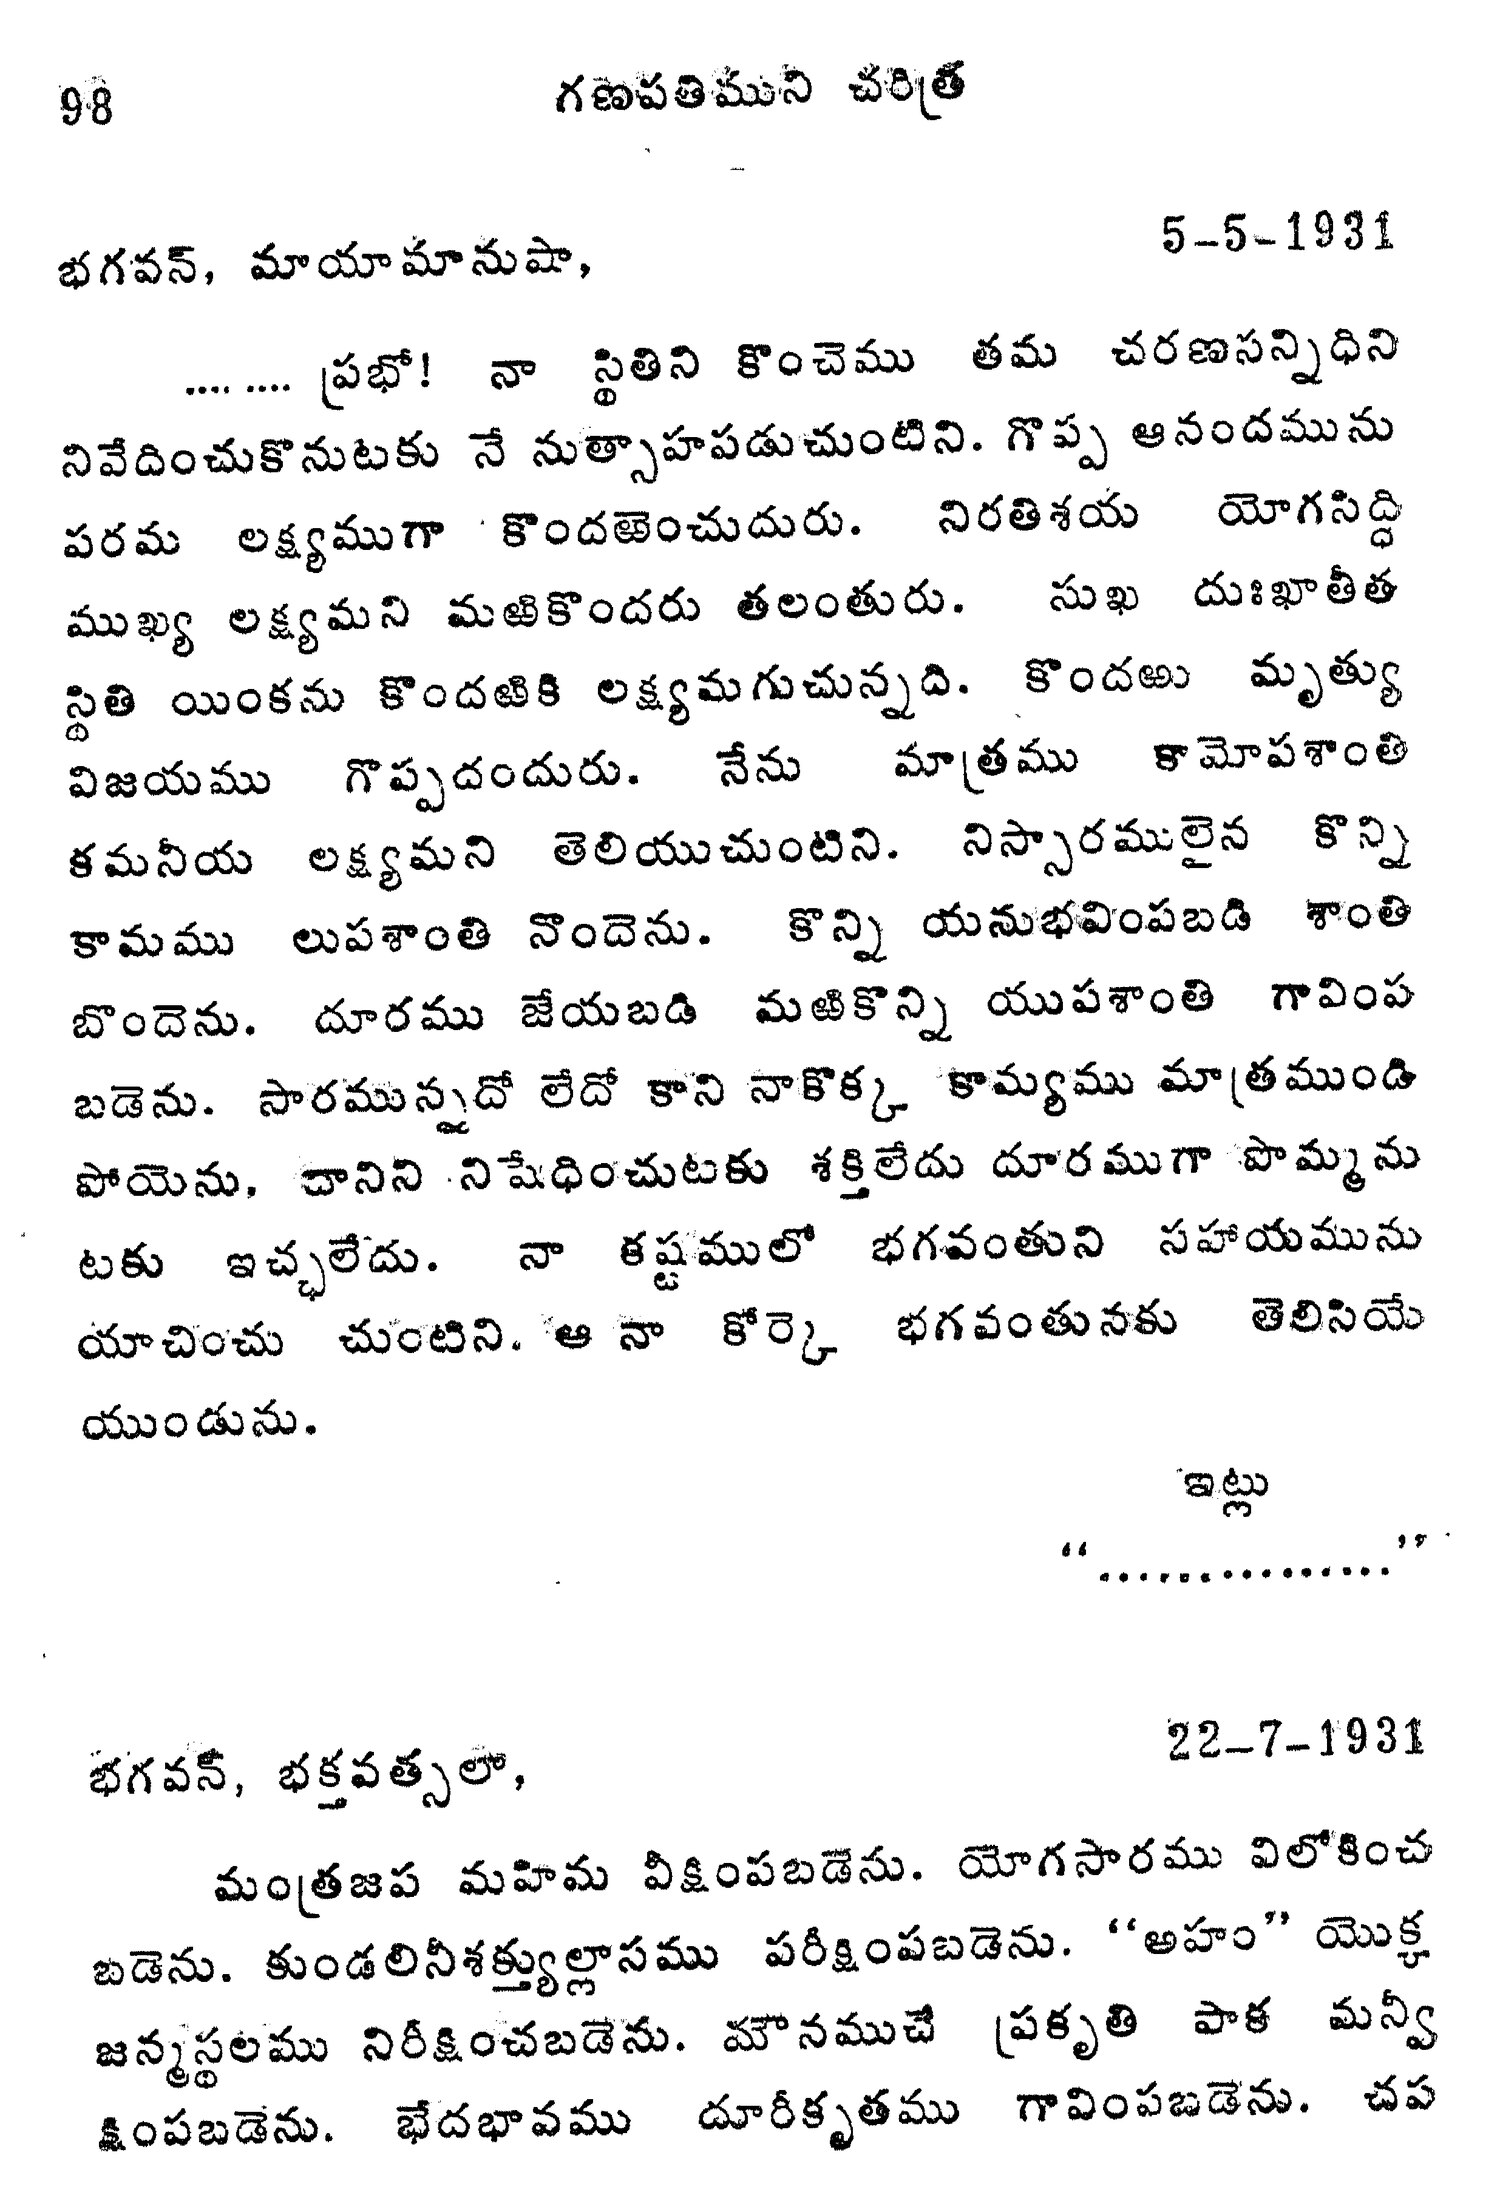భగవన్, మాయామానుషా,

.... .... ప్రభో! నా స్థితిని కొంచెము తమ చరణసన్నిధిని నివేదించుకొనుటకు నే నుత్సాహపడుచుంటిని. గొప్ప ఆనందమును పరమ లక్ష్యముగా కొందఱెంచుదురు. నిరతిశయ యోగసిద్ధి ముఖ్య లక్ష్యమని మఱికొందరు తలంతురు. సుఖ దుఃఖాతీత స్థితి యింకను కొందఱికి లక్ష్యమగుచున్నది. కొందఱు మృత్యు విజయము గొప్పదందురు. నేను మాత్రము కామోపశాంతి కమనీయ లక్ష్యమని తెలియుచుంటిని. నిస్సారములైన కొన్ని కామము లుపశాంతి నొందెను. కొన్ని యనుభవింపబడి శాంతి బొందెను. దూరము జేయబడి మఱికొన్ని యుపశాంతి గావింప బడెను. సారమున్నదో లేదో కాని నాకొక్క కామ్యము మాత్రముండి పోయెను. దానిని నిషేధించుటకు శక్తిలేదు దూరముగా పొమ్మనుటకు ఇచ్ఛలేదు. నా కష్టములో భగవంతుని సహాయమును యాచించు చుంటిని. ఆ నా కోర్కె భగవంతునకు తెలిసియే యుండును.

భగవన్, భక్తవత్సలా,

మంత్రజప మహిమ వీక్షింపబడెను. యోగసారము విలోకించ బడెను. కుండలినీశక్త్యుల్లాసము పరీక్షింపబడెను. "అహం" యొక్క జన్మస్థలము నిరీక్షించబడెను. మౌనముచే ప్రకృతి పాక మన్వీక్షింపబడెను. భేదభావము దూరీకృతము గావింపబడెను. చప